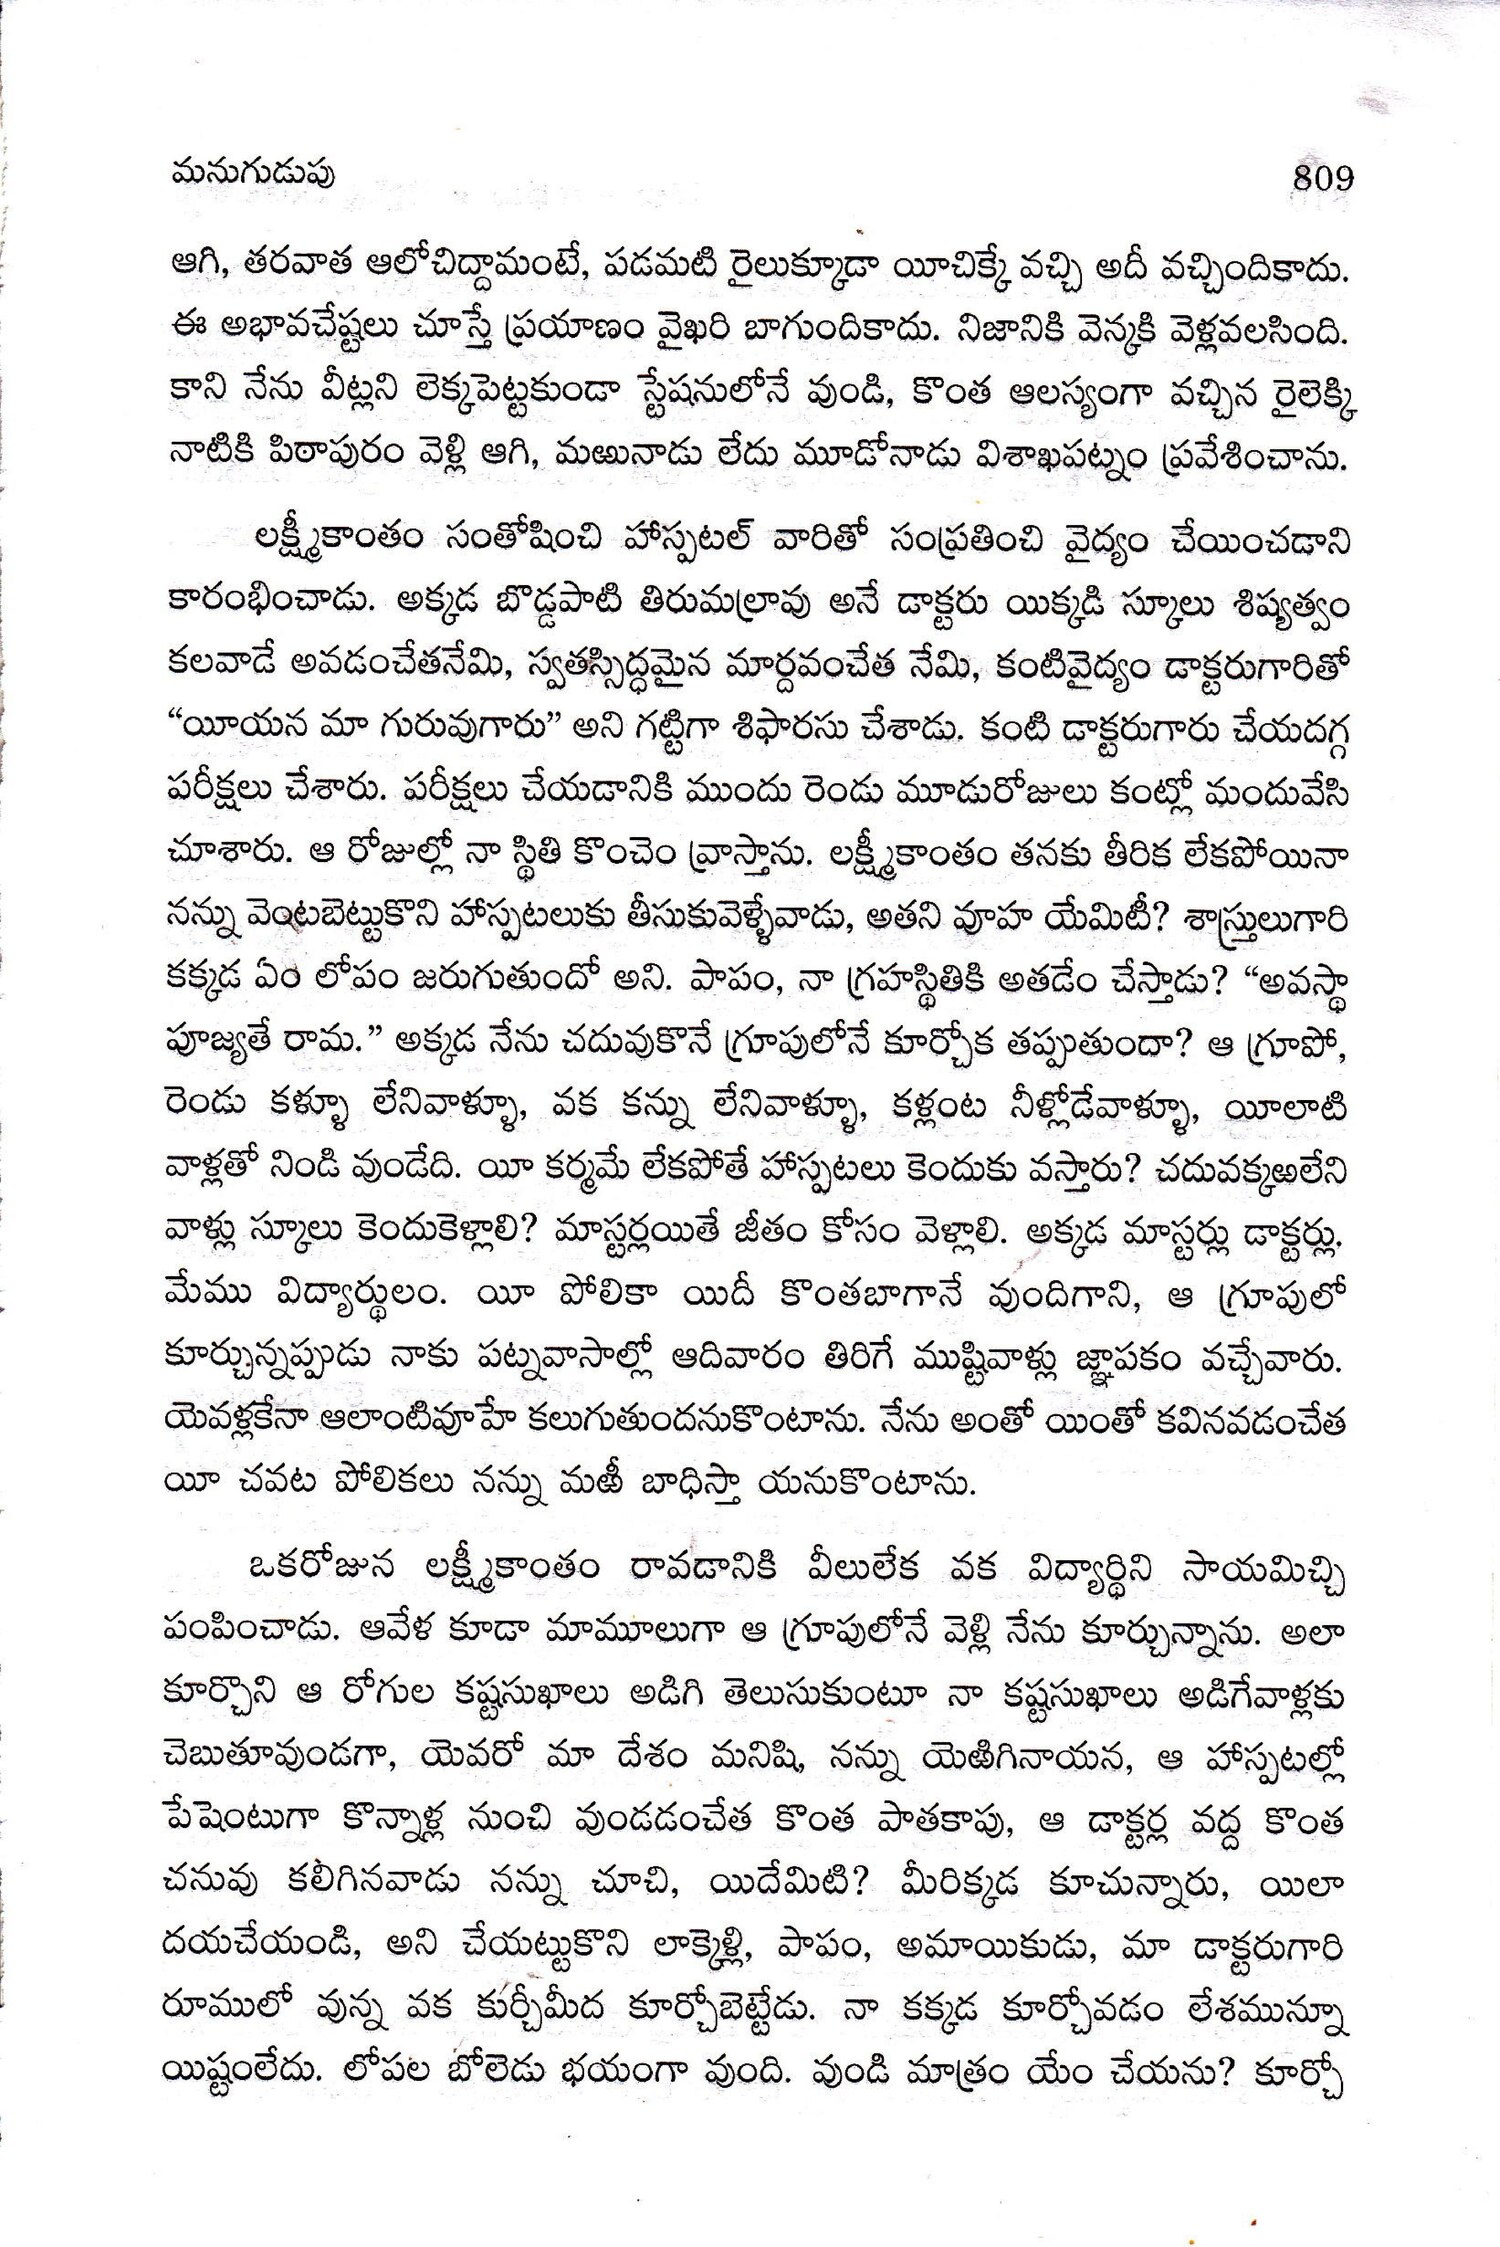ఆగి, తరవాత ఆలోచిద్దామంటే, పడమటి రైలుకూడా యీచిక్కే వచ్చి అదీ వచ్చిందికాదు. ఈ అభావచేష్టలు చూస్తే ప్రయాణం వైఖరి బాగుందికాదు. నిజానికి వెన్కకి వెళ్లవలసింది. కాని నేను వీట్లని లెక్కపెట్టకుండా స్టేషనులోనే వుండి, కొంత ఆలస్యంగా వచ్చిన రైలెక్కి నాటికి పిఠాపురం వెళ్లి ఆగి, మఱునాడు లేదు మూడోనాడు విశాఖపట్నం ప్రవేశించాను.

లక్ష్మీకాంతం సంతోషించి హాస్పటల్ వారితో సంప్రతించి వైద్యం చేయించడాని కారంభించాడు. అక్కడ బొడ్డపాటి తిరుమల్రావు అనే డాక్టరు యిక్కడి స్కూలు శిష్యత్వం కలవాడే అవడంచేతనేమి, స్వతస్సిద్ధమైన మార్ధవంచేత నేమి, కంటివైద్యం డాక్టరుగారితో “యీయన మా గురువుగారు” అని గట్టిగా శిఫారసు చేశాడు. కంటి డాక్టరుగారు చేయదగ్గ పరీక్షలు చేశారు. పరీక్షలు చేయడానికి ముందు రెండు మూడురోజులు కంట్లో మందువేసి చూశారు. ఆ రోజుల్లో నా స్థితి కొంచెం వ్రాస్తాను. లక్ష్మీకాంతం తనకు తీరిక లేకపోయినా నన్ను వెంటబెట్టుకొని హాస్పటలుకు తీసుకువెళ్ళేవాడు, అతని వూహ యేమిటీ? శాస్త్రులుగారి కక్కడ ఏం లోపం జరుగుతుందో అని. పాపం, నా గ్రహస్థితికి అతడేం చేస్తాడు? “అవస్థా పూజ్యతే రామ." అక్కడ నేను చదువుకొనే గ్రూపులోనే కూర్చోక తప్పుతుందా? ఆ గ్రూపో, రెండు కళ్ళూ లేనివాళ్ళూ, వక కన్ను లేనివాళ్ళూ, కళ్లంట నీళ్లోడేవాళ్ళూ, యీలాటి వాళ్లతో నిండి వుండేది. యీ కర్మమే లేకపోతే హాస్పటలు కెందుకు వస్తారు? చదువక్కఱలేని వాళ్లు స్కూలు కెందుకెళ్లాలి? మాస్టర్లయితే జీతం కోసం వెళ్లాలి. అక్కడ మాస్టర్లు డాక్టర్లు, మేము విద్యార్థులం. యీ పోలికా యిదీ కొంతబాగానే వుందిగాని, ఆ గ్రూపులో కూర్చున్నప్పుడు నాకు పట్నవాసాల్లో ఆదివారం తిరిగే ముష్టివాళ్లు జ్ఞాపకం వచ్చేవారు. యెవళ్లకేనా ఆలాంటివూహే కలుగుతుందనుకొంటాను. నేను అంతో యింతో కవినవడంచేత యీ చవట పోలికలు నన్ను మఱీ బాధిస్తాయనుకొంటాను.

ఒకరోజున లక్ష్మీకాంతం రావడానికి వీలులేక వక విద్యార్థిని సాయమిచ్చి పంపించాడు. ఆవేళ కూడా మామూలుగా ఆ గ్రూపులోనే వెళ్లి నేను కూర్చున్నాను. అలా కూర్చొని ఆ రోగుల కష్టసుఖాలు అడిగి తెలుసుకుంటూ నా కష్టసుఖాలు అడిగేవాళ్లకు చెబుతూవుండగా, యెవరో మా దేశం మనిషి, నన్ను యెఱిగినాయన, ఆ హాస్పటల్లో పేషెంటుగా కొన్నాళ్ల నుంచి వుండడంచేత కొంత పాతకాపు, ఆ డాక్టర్ల వద్ద కొంత చనువు కలిగినవాడు నన్ను చూచి, యిదేమిటి? మీరిక్కడ కూచున్నారు, యిలా దయచేయండి, అని చేయట్టుకొని లాక్కెళ్లి, పాపం, అమాయికుడు, మా డాక్టరుగారి రూములో వున్న వక కుర్చీమీద కూర్చోబెట్టేడు. నా కక్కడ కూర్చోవడం లేశమున్నూ యిష్టంలేదు. లోపల బోలెడు భయంగా వుంది. వుండి మాత్రం యేం చేయను? కూర్చో